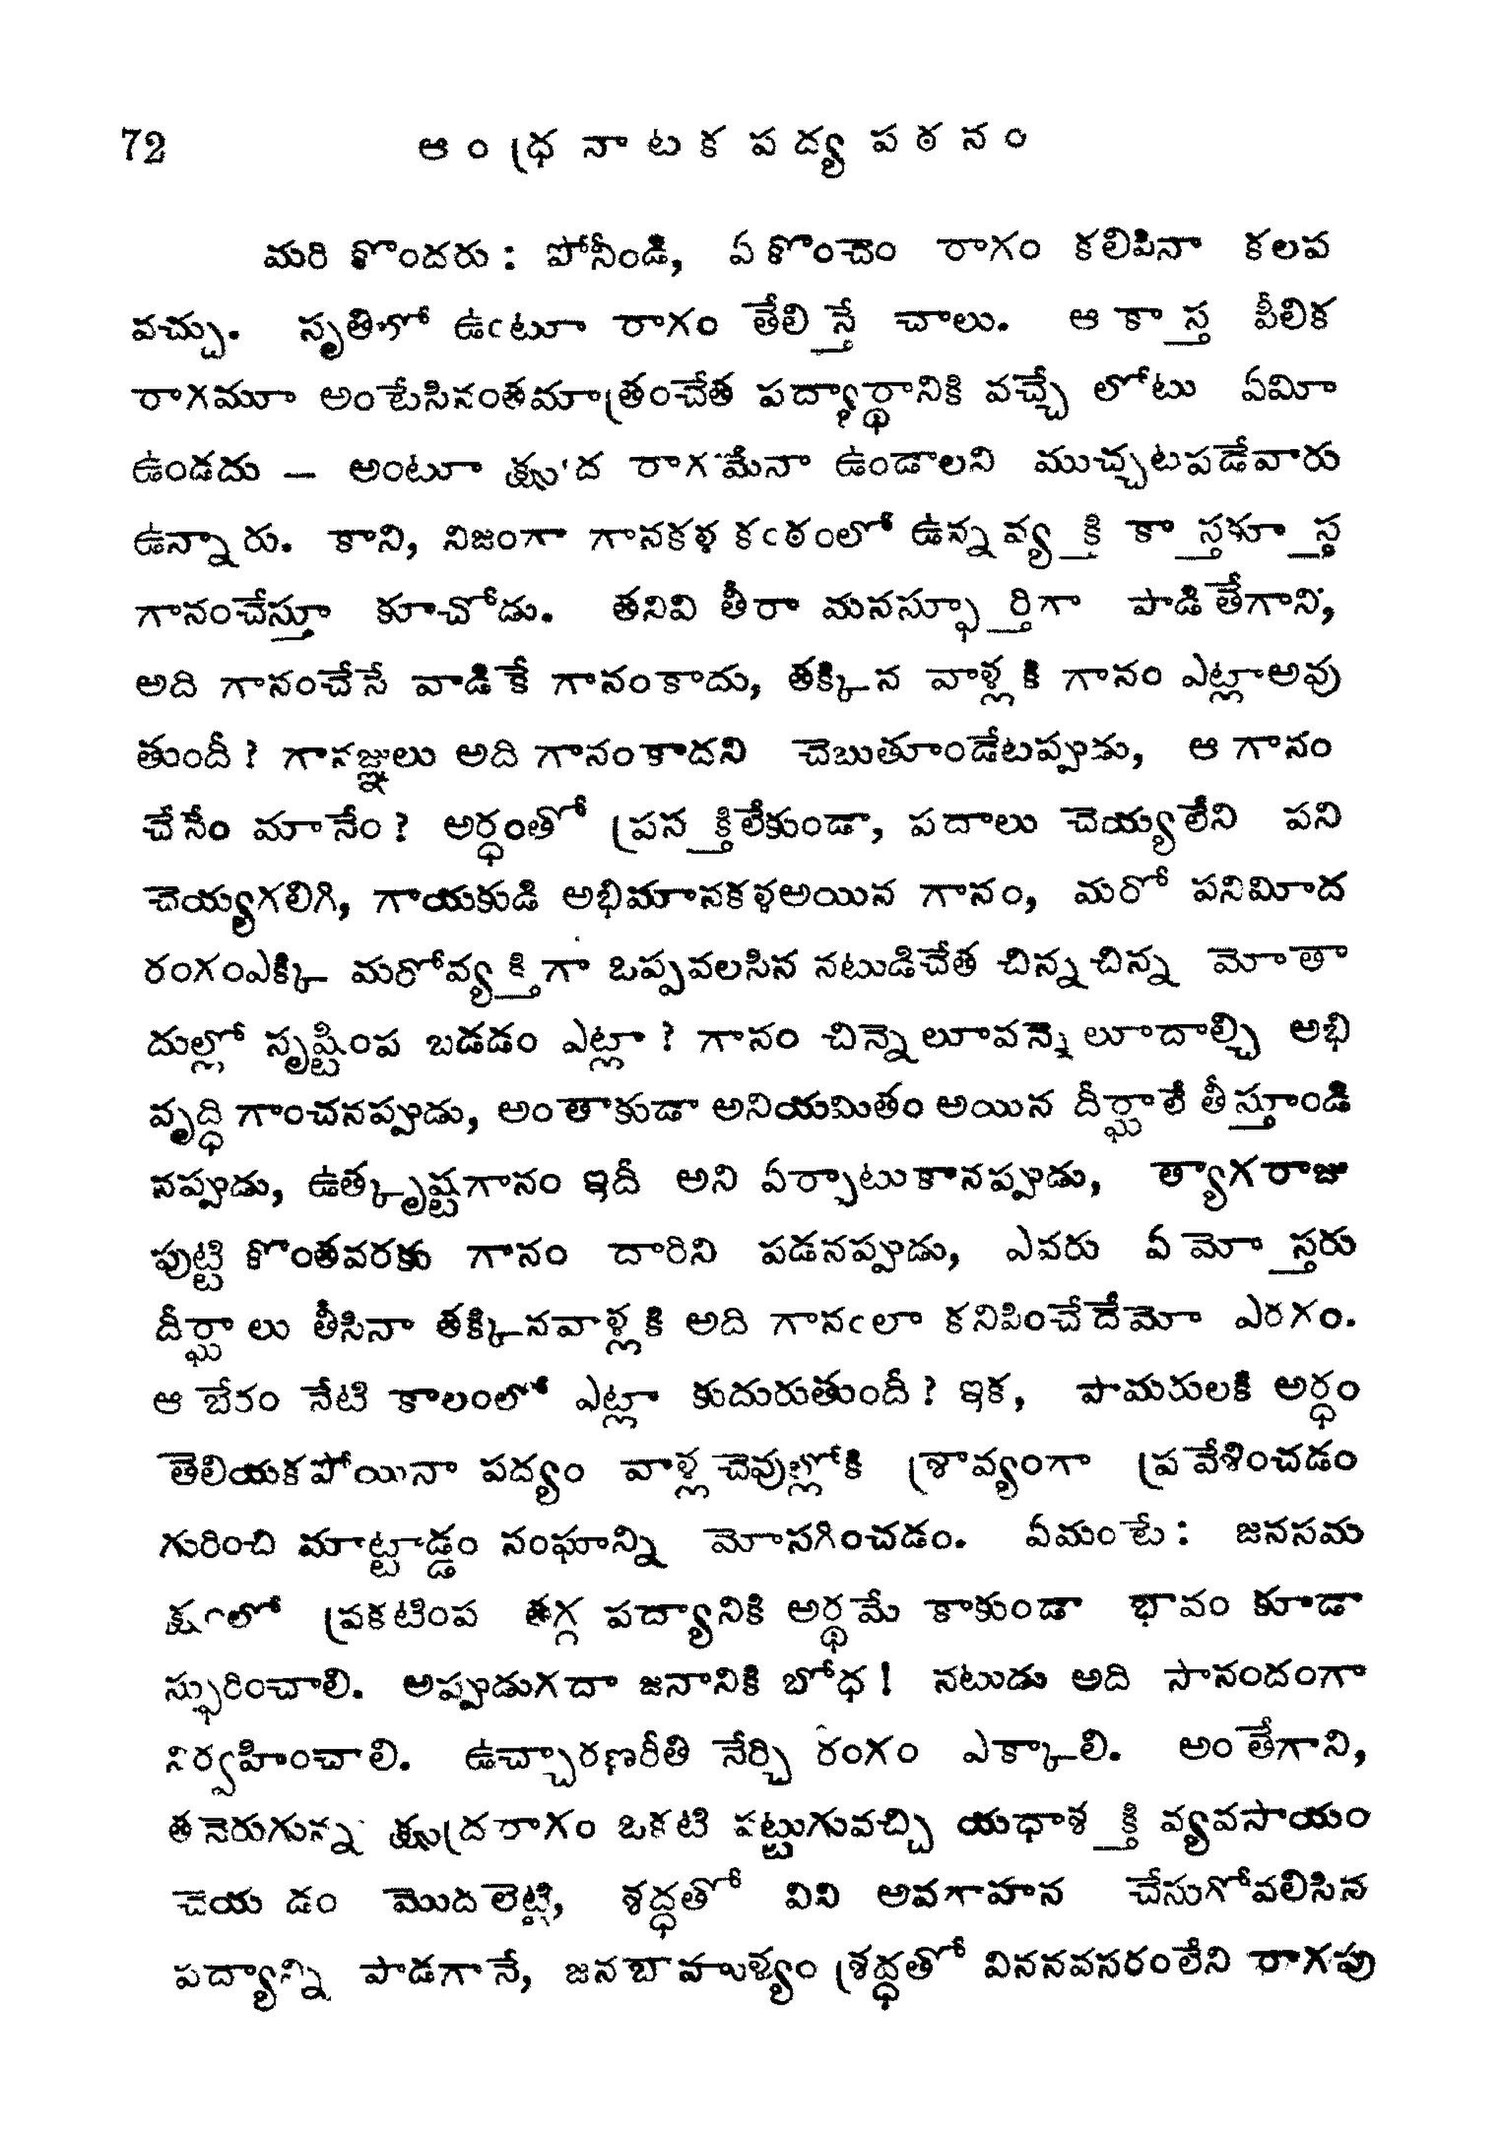మరి కొందరు : పోనీండి, ఏకొంచెం రాగం కలిపినా కలప
వచ్చు. సృతిలో ఉంటూ రాగం తేలిస్తే చాలు. ఆ కాస్త పీలిక
రాగమూ అంటేసినంతమాత్రంచేత పదార్థానికి వచ్చే లోటు ఏమీ
ఉండదు - అంటూ క్షుద్ర రాగమేనా ఉండాలని ముచ్చటపడేవారు
ఉన్నారు. కాని, నిజంగా గానకళ కంఠంలో ఉన్నవ్యక్తి కాస్తకూస్త
గానంచేస్తూ కూచోడు. తనివి తీరా మనస్ఫూర్తిగా పాడితేగాని,
అది గానంచేసే వాడికే గానంకాదు, తక్కిన వాళ్లకి గానం ఎట్లాఅవు
తుందీ ? గానజ్ఞులు అది గానంకాదని చెబుతూండేటప్పుడు, ఆ గానం
చేసేం మానేం? అర్ధంతో ప్రసక్తిలేకుండా, పదాలు చెయ్యలేని పని
చెయ్యగలిగి, గాయకుడి అభిమానకళఅయిన గానం, మరో పనిమీద
రంగంఎక్కి మరోవ్యక్తిగా ఒప్పవలసిన నటుడిచేత చిన్న చిన్న మోతా
దుల్లో సృష్టింప బడడం ఎట్లా? గానం చిన్నెలూవన్నెలూదాల్చి అభి
వృద్ధి గాంచనప్పుడు, అంతాకుడా అనియమితం అయిన దీర్ఘాలే తీస్తూండి
నప్పుడు, ఉత్కృష్టగానం ఇదీ అని ఏర్పాటుకానప్పుడు, త్యాగరాజు
పుట్టి కొంతవరకు గానం దారిని పడనప్పుడు, ఎవరు ఏ మోస్తరు
దీర్ఘాలు తీసినా తక్కినవాళ్లకి అది గానంలా కనిపించేదేమో ఎరగం.
ఆ బేరం నేటి కాలంలో ఎట్లా కుదురుతుందీ? ఇక, పామరులకి అర్ధం
తెలియకపోయినా పద్యం వాళ్ల చెవుల్లోకి శ్రావ్యంగా ప్రవేశించడం
గురించి మాట్టాడ్డం సంఘాన్ని మోసగించడం. ఏమంటే : జనసమ
క్షంలో ప్రకటింప తగ్గ పద్యానికి అర్థమే కాకుండా భావం కూడా
స్ఫురించాలి. అప్పుడుగదా జనానికి బోధ! నటుడు అది సానందంగా
నిర్వహించాలి. ఉచ్చారణరీతి నేర్చి రంగం ఎక్కాలి. అంతేగాని,
త నెరుగున్న క్షుద్రరాగం ఒకటి పట్టుగువచ్చి యధాశక్తి వ్యవసాయం
చేయడం మొదలెట్టి, శ్రద్ధతో విని అవగాహన చేసుగోవలిసిన
పద్యాన్ని పాడగానే, జనబాహుళ్యం శ్రద్ధతో విననవసరంలేని రాగపు